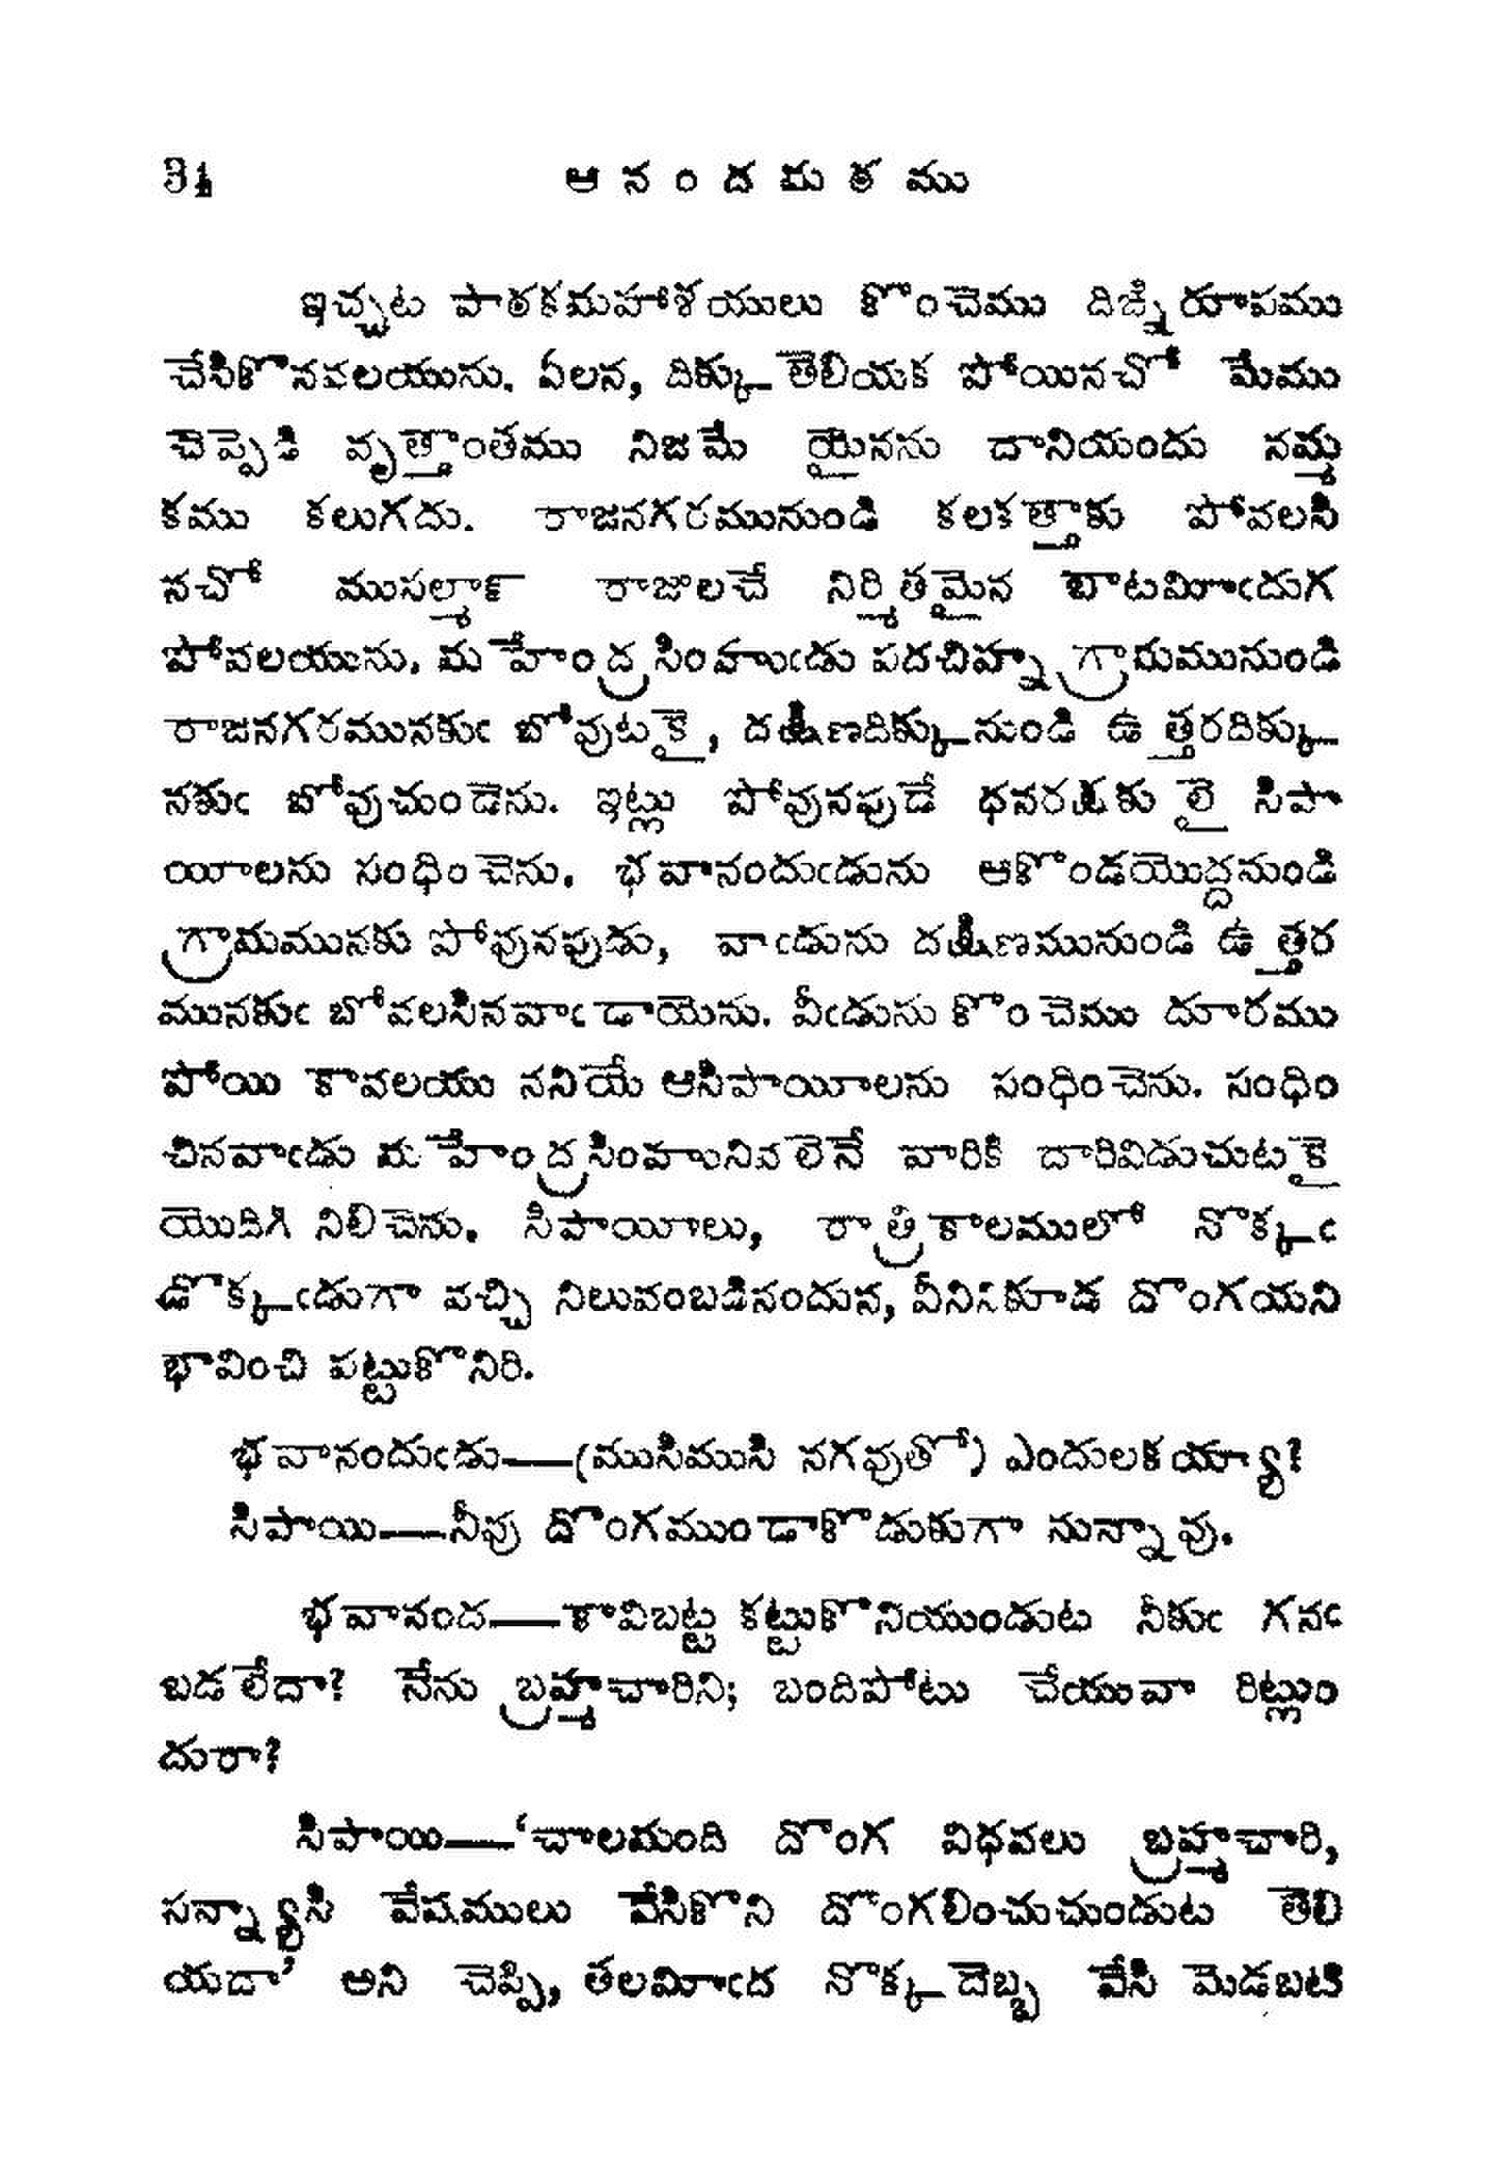ఇచ్చట పాఠకమహాశయులు కొంచెము దిజ్ని రూపము చేసికొనవలయును, ఏలన, దిక్కు తెలియక పోయినచో మేము చెప్పెడి వృత్తాంతము నిజమే యైనను దానియందు నమ్మకము కలుగదు. రాజనగరమునుండి కలకత్తాకు పోవలసినచో ముసల్మా౯ రాజులచే నిర్మితమైన బాటమీఁదుగ పోవలయును. మహేంద్ర సింహుఁడు పదచిహ్న గ్రామమునుండి రాజనగరమునకుఁ బోవుటకై , దక్షిణ దిక్కు నుండి ఉత్తరదిక్కునకుఁ బోవుచుండెను. ఇట్లు పోవునపుడే ధనరక్షకులై సిపాయీలను సంధించెను. భవానందుఁడును ఆకొండయొద్దనుండి
గ్రామమునకు పోవునపుడు, వాఁడును దక్షిణమునుండి ఉత్తరమునకుఁ బోవలసినవాఁడాయెను. వీఁడును కొంచెము దూరము పోయి కావలయు ననియే ఆసిపాయీలను సంధించెను. సంధించినవాఁడు మహేంద్రసింహునివలెనే వారికి దారివిడుచుటకై యొదిగి నిలిచెను. సిపాయిలు, రాత్రి కాలములో నొక్కఁడొక్కఁడుగా వచ్చి నిలువంబడినందున, వీనిని కూడ దొంగయని భావించి పట్టుకొనిరి.

భవానందుఁడు—— (ముసిముసి నగవుతో) ఎందులకయ్యా!

సిపాయి ——నీవు దొంగముండాకొడుకుగా నున్నావు.

భవానంద—— కావిబట్ట కట్టుకొనియుండుట నీకుఁ గనఁబడ లేదా? నేను బ్రహ్మచారిని; బందిపోటు చేయువా రిట్లుందురా?

సిపాయి——'చాలమంది దొంగ విధవలు బ్రహ్మచారి,సన్న్యాసి వేషములు వేసికొని దొంగలించుచుండుట తెలియదా' అని చెప్పి, తలమీఁద నొక్క దెబ్బ వేసి మెడబటి